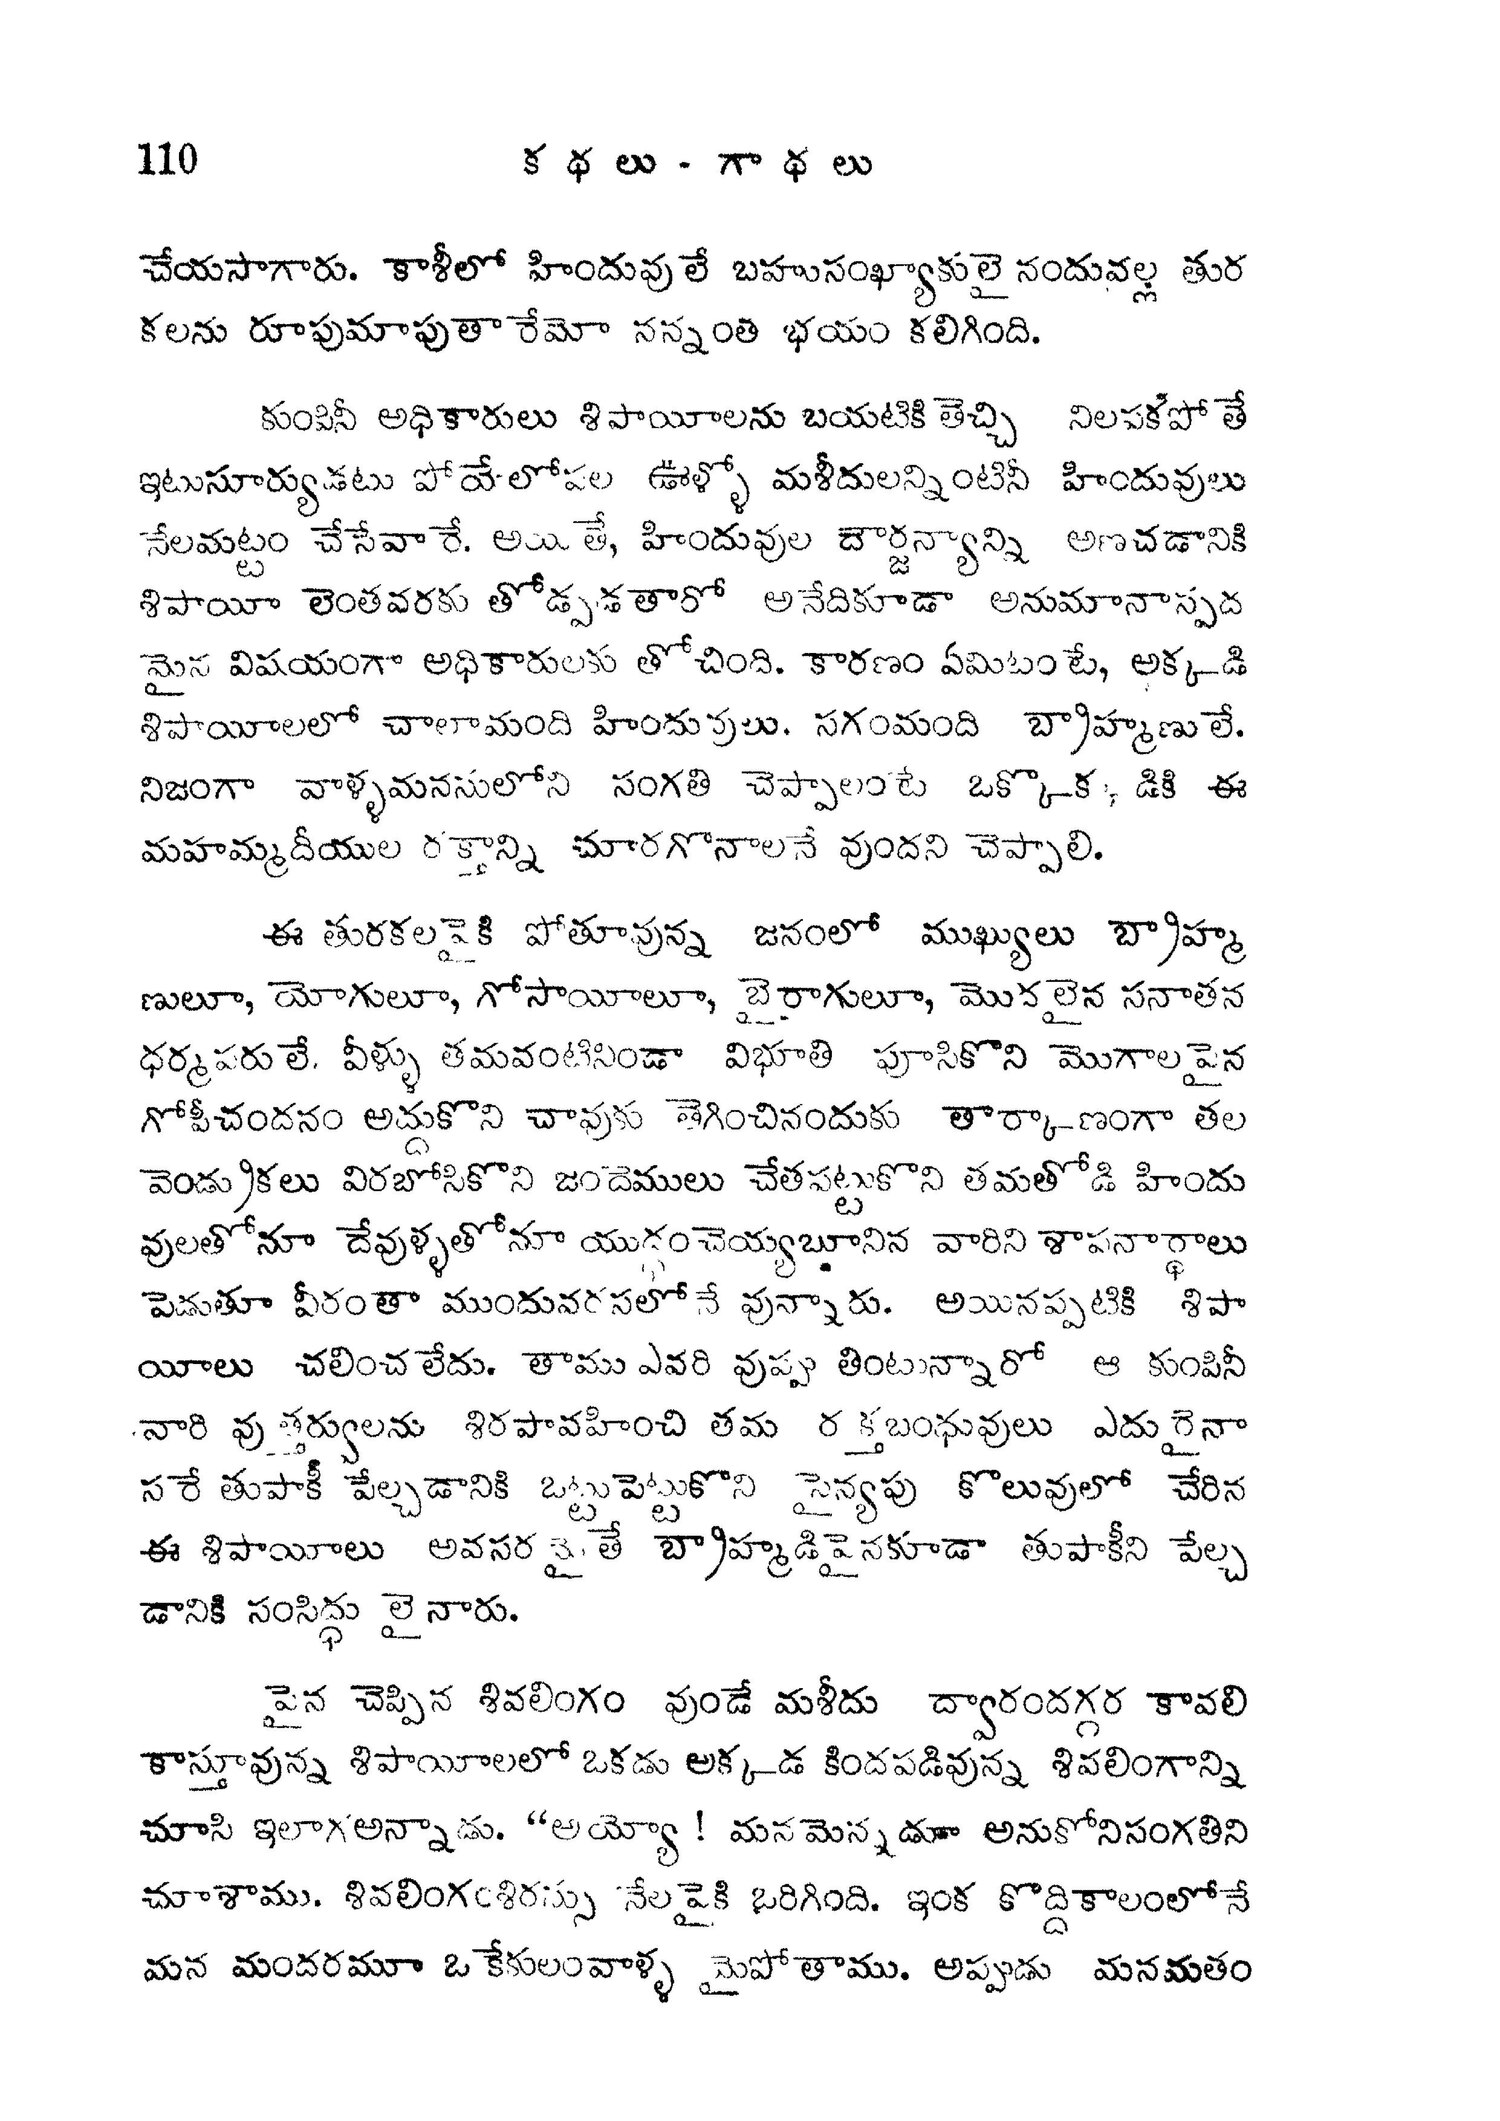చేయసాగారు. కాశీలో హిందువులే బహుసంఖ్యాకులైనందువల్ల తురకలనురూపుమాపుతారేమో నన్నంత భయం కలిగింది.

కుంఫినీ అధికారులు శిపాయీలను బయటికితెఛ్ఛి నిలపకపోతే ఇటుసూర్యుడటు పోయేలోపల ఊళ్ళో మశీదులనన్నింటినీ హిందువులు నేలమట్టం చేసేవారే. అయితే, హిందువుల దౌర్జన్యాన్ని అణచడానికి శిపాయీ లెంతవరకు తోడ్పడతారో అనేదికూడా అనుమానాస్పదమైన విషయంగా అధికారులకు తోచింది. కారణం ఏమిటంటే, అక్కడి శిపాయీలలో చాలామంది హిందువులు, సగంమంది బ్రాహ్మణులే. నిజంగా వాళ్ళమనసులో సంగతి చెప్పాలంటే ఒక్కొక్కడికి ఈ మహమ్మదీయుల రక్తాన్ని చూరగొనాలనే వుందని చెప్పాలి.

ఈ తురకలపైకి పోతూవున్న జనంలో ముఖ్యులు బ్రాహ్మణులూ, యోగులూ, గోసాయీలూ, బైరాగులూ, మొదలైన సనాతన ధర్మపరులే వీళ్ళు తమవంటినిండా విభూతి పూసికొని మొగాలపైన గోపీచందనం అద్దుకొని చావుకు తెగించినందుకు తార్కాణంగా తలవెండ్రుకలు విరబోసికొని జందములు చేతపట్టు కొని తమతోడి హిందువులతోనూ దేవుళ్ళతోనూ యుద్ధంచెయ్యబూనిన వారిని శాపనార్ధాలు పెడుతూ వీరంతా ముందువరుసలోనే వున్నారు. అయినప్పటికి శిపాయీలు చలించలేదు. తాము ఎవరి వుప్పు తింటున్నారో ఆ కంపెనీ వారి వుత్తర్వులను శిరసావహించి తమ రక్తబంధువులు ఎదురైనాసరే తుపాకీ పేల్చడానికి ఒట్టుపెట్టుకొని సైన్యపు కొలువులో చేరిన ఈ శిపాయీలు అవసరమైతే బ్రాహ్మడిపైనకూడా తుపాకీ పేల్చడానికి సంసిద్ధులైనారు.

పైన చెప్పిన శివలింగం వుండే మశీదు ద్వారందగ్గర కావలి కాస్తూవున్న శిపాయీలలో ఒకడు అక్కడ కిందపడివున్న శివలింగాన్ని చూసి ఇలాగాన్నాడు. "అయ్యా! మనమెన్నడూ అనుకోనిసంగతిని చూశాము. శివలింగంశిరస్సు నేలపైకి ఒరిగింది. ఇంక కొద్దికాలంలోనే మన మందరమూ ఒకేకులంవాళ్ళ మైపోతాము. అప్పుడు మనమతం